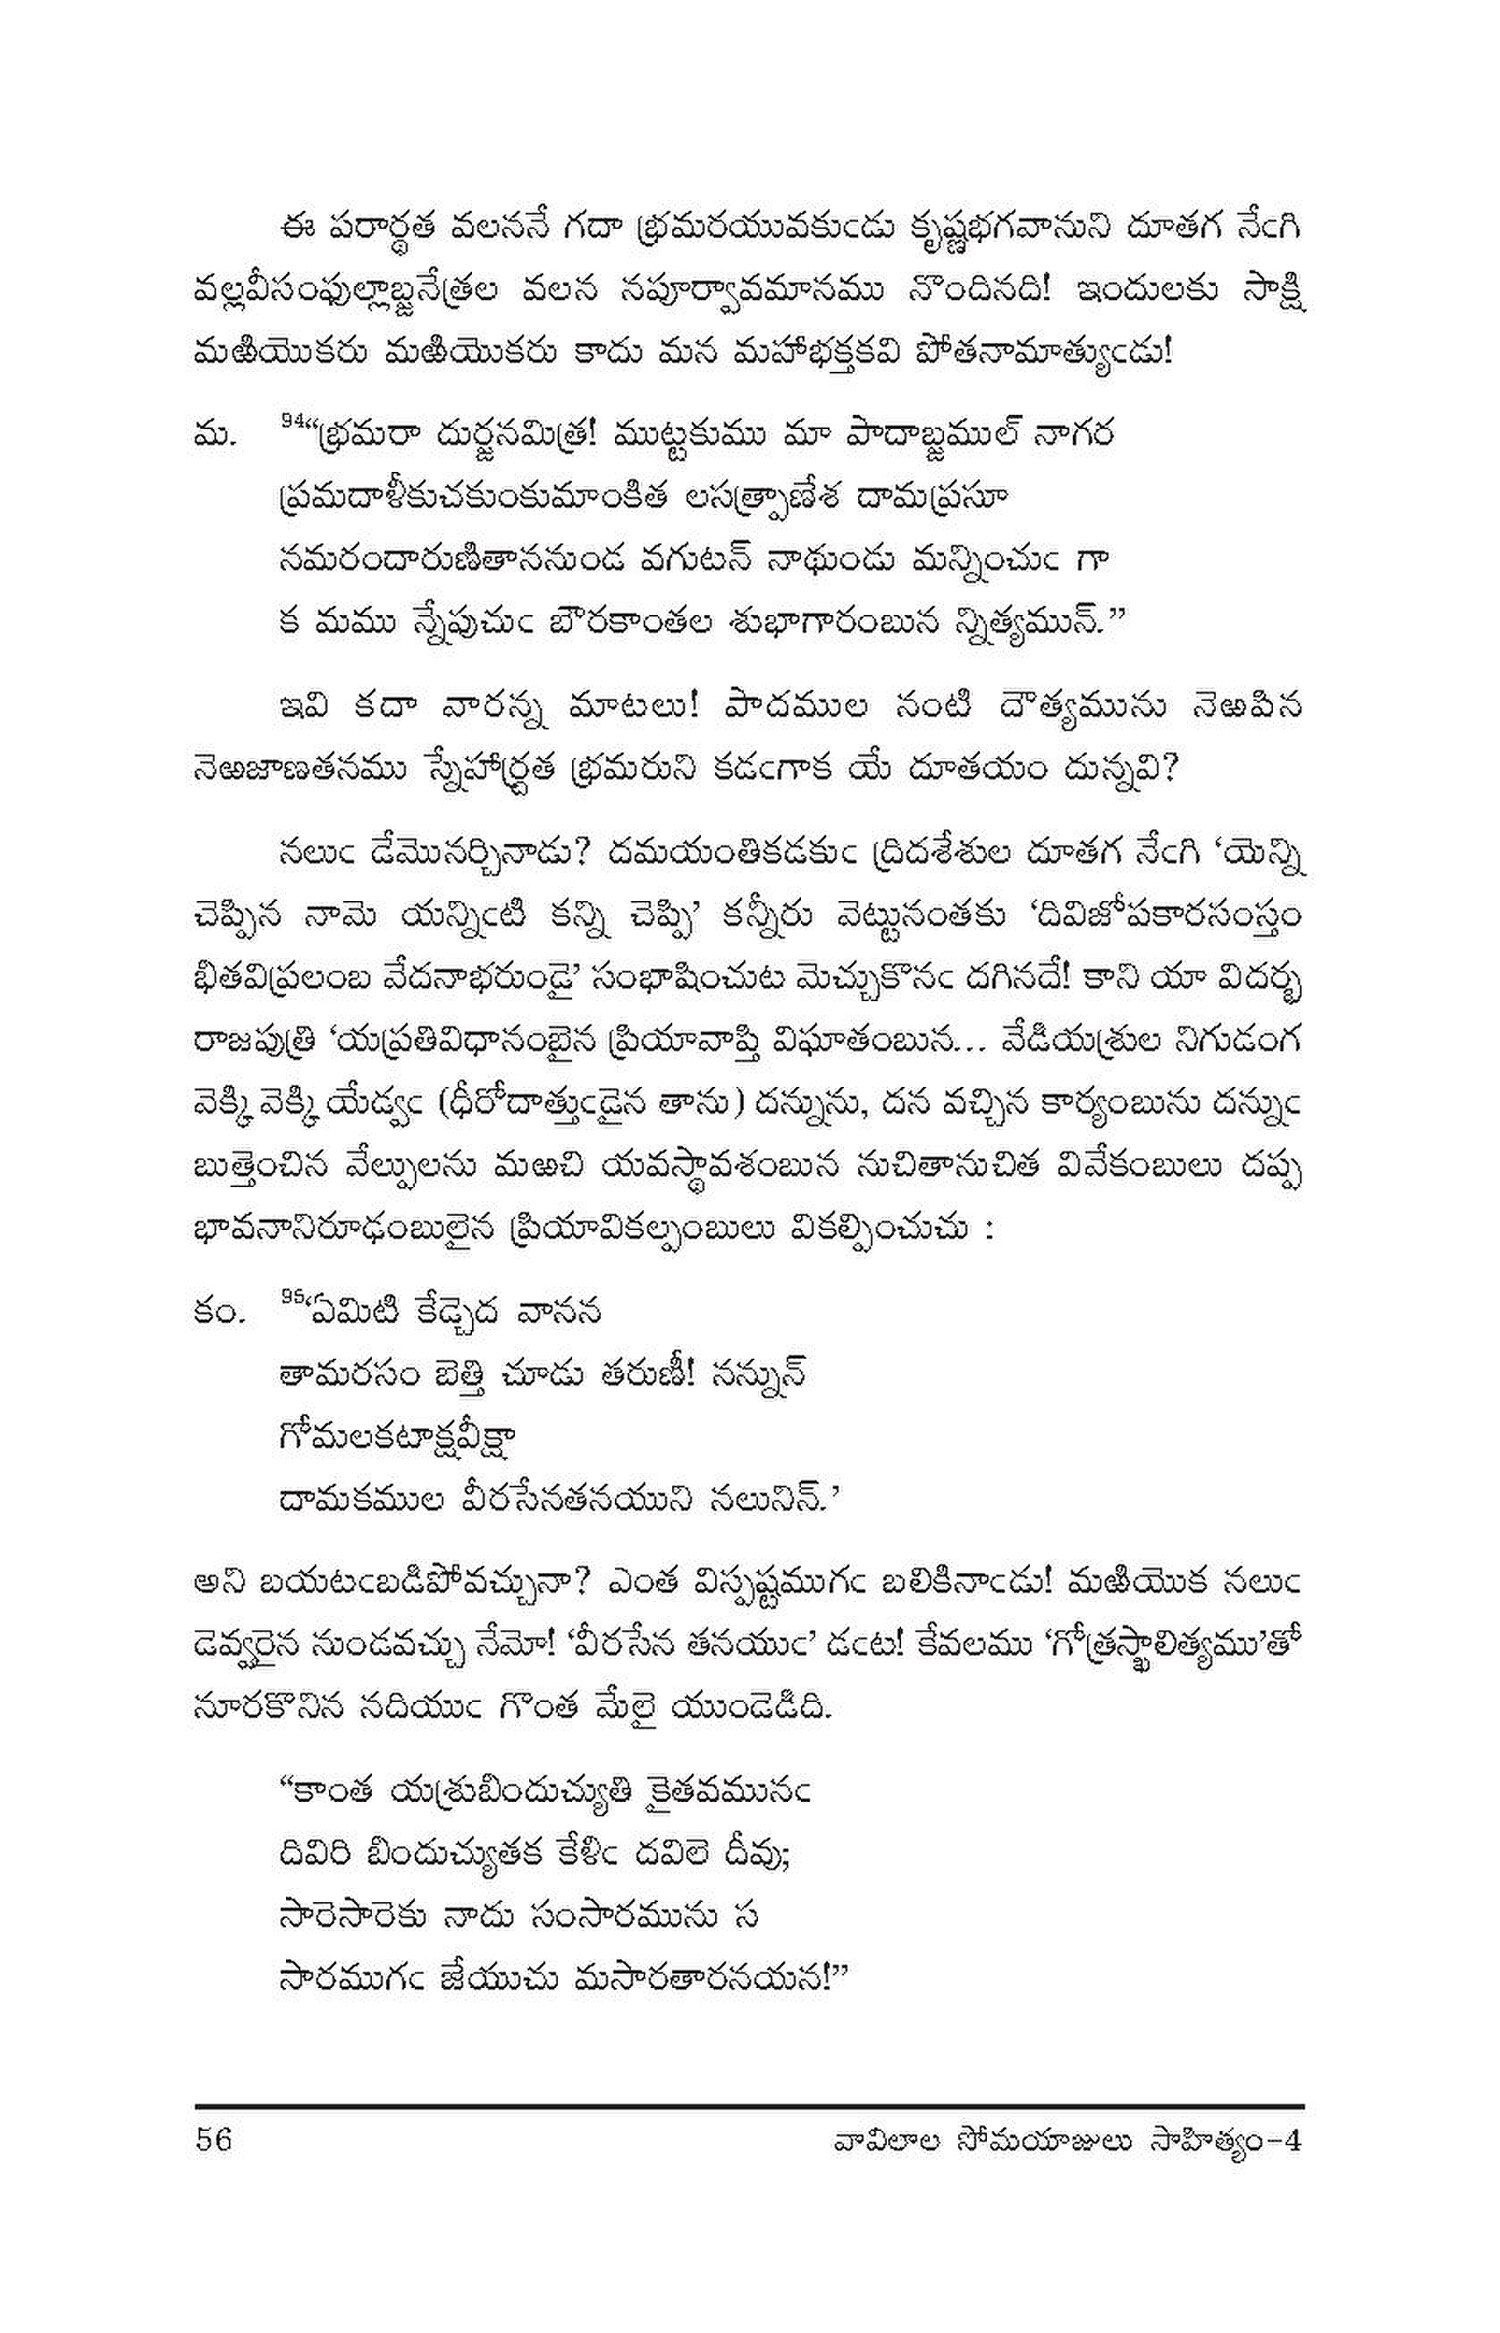ఈ పరార్థత వలననే గదా భ్రమరయువకుఁడు కృష్ణభగవానుని దూతగ నేఁగి
వల్లవీసంఫుల్లాబ్జనేత్రల వలన నపూర్వావమానము నొందినది! ఇందులకు సాక్షి
మఱియొకరు మఱియొకరు కాదు మన మహాభక్తకవి పోతనామాత్యుఁడు!

మ. “భ్రమరా దుర్జనమిత్ర! ముట్టకుము మా పాదాబ్జముల్ నాగర
 ప్రమదాళీకుచకుంకుమాంకిత లసత్రాణేశ దామప్రసూ
 నమరందారుణితాననుండ వగుటన్ నాథుండు మన్నించుఁ గా
 క మము న్నేపుచుఁ బౌరకాంతల శుభాగారంబున న్నిత్యమున్.”

ఇవి కదా వారన్న మాటలు! పాదముల నంటి దౌత్యమును నెఱపిన
నెఱజాణతనము స్నేహార్ద్రత భ్రమరుని కడఁగాక యే దూతయం దున్నవి?

నలుఁ డేమొనర్చినాడు? దమయంతికడకుఁ ద్రిదశేశుల దూతగ నేఁగి 'యెన్ని
చెప్పిన నామె యన్నింటి కన్ని చెప్పి' కన్నీరు పెట్టునంతకు 'దివిజోపకారసంస్తం
భితవిప్రలంబ వేదనాభరుండై' సంభాషించుట మెచ్చుకొనఁ దగినదే! కాని యా విదర్భ
రాజపుత్రి ‘యప్రతివిధానంబైన ప్రియావాప్తి విఘాతంబున... వేడియశ్రుల నిగుడంగ
వెక్కి వెక్కి యేడ్వఁ (ధీరోదాత్తుఁడైన తాను) దన్నును, దన వచ్చిన కార్యంబును దన్నుఁ
బుత్తెంచిన వేల్పులను మఱచి యవస్థావశంబున నుచితానుచిత వివేకంబులు దప్ప
భావనానిరూఢంబులైన ప్రియావికల్పంబులు వికల్పించుచు:

కం. "ఏమిటి కేడ్చెద వానన
 తామరసం బెత్తి చూడు తరుణీ! నన్నున్
 గోమలకటాక్షవీక్షా
 దామకముల వీరసేనతనయుని నలునిన్.”

అని బయటఁబడిపోవచ్చునా? ఎంత విస్పష్టముగఁ బలికినాఁడు! మఱియొక నలుఁ
డెవ్వరైన నుండవచ్చు నేమో! 'వీరసేన తనయుఁ' డఁట! కేవలము 'గోత్రస్థాలిత్యము'తో
నూరకొనిన నదియుఁ గొంత మేలై యుండెడిది.

 "కాంత యశ్రుబిందుచ్యుతి కైతవమునఁ
 దివిరి బిందుచ్యుతక కేళిఁ దవిలె దీవు;
 సారెసారెకు నాదు సంసారమును స
 సారముగఁ జేయుచు మసారతారనయన!”